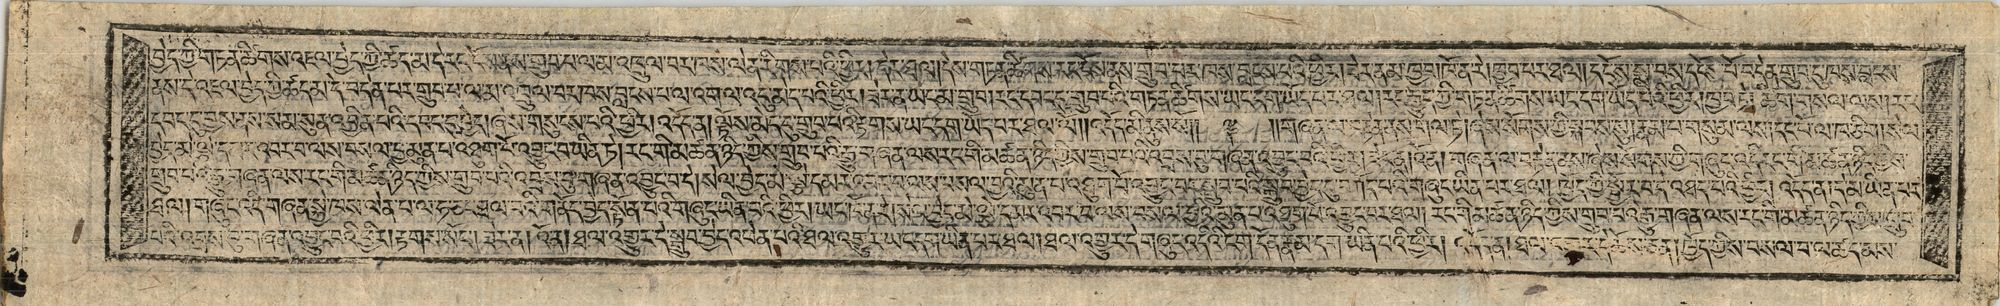བྱེད་ཀྱི་གཏན་ཚིགས་འཇལ་བྱེད་ཀྱི་ཚད་མ་དེ་རང་ངོས་ནས་གྲུབ་པ་ལ་མ་འཁྲུལ་བར་ཁས་ལེན་རིགས་པའི་ཕྱིར། དེར་ཐལ། དེས་གཏན་ཚིགས་རང་ངོས་ནས་གྲུབ་པར་ཁས་བླངས་པའི་ཕྱིར། ཟེར་ན་མ་ཁྱབ། ཁོ་ན་རེ། ཁྱབ་པར་ཐལ། དངོས་སྨྲ་བས་དངོས་པོ་བདེན་གྲུབ་དུ་ཁས་བླངས་
ནས་དེ་འཇལ་བྱེད་ཀྱི་ཚད་མ་དེ་བདེན་པར་གྲུབ་པ་ལ་མ་འཁྲུལ་བར་ཁས་བླངས་པ་ལ་འགལ་འདུ་མེད་པའི་ཕྱིར། ཟེར་ན་ཡང་མ་གྲུབ། རང་དབང་དུ་གྲུབ་པའི་གཏན་ཚིགས་ཡང་དག་ཡོད་པར་ཐལ། རང་རྒྱུད་ཀྱི་གཏན་ཚིགས་ཡང་དག་ཡོད་པའི་ཕྱིར། ཁྱབ་ཏེ། ཚིག་གསལ་ལས། རང་
དབང་དུ་བྱས་ནས་སམ་སུན་འབྱིན་པའི་དབང་དུ་བྱེད། ཞེས་གསུངས་པའི་ཕྱིར། འདོད་ན། ལྟོས་མེད་དུ་གྲུབ་པའི་རྟགས་ཡང་དག་ཡོད་པར་ཐལ་ལོ། །འདོད་མི་ནུས་སོ།། ༈ །།གཞན་ལ་བརྟེན་ནས་གལ་ཏེ། ཞེས་སོགས་ཀྱི་སྐབས་སུ། རྣམ་པ་གསུམ་ལས། དང་པོ་ལ་ཁ་ཅིག །སེལ་
བྱེད་མེ་ལྕེ་དམར་འབར་བ་ལས་བྲསླ་བྱེ་མུན་པ་འཐུག་པོ་འབྱུང་བ་ཡིན་ཏེ། རང་གི་མཚན་ཉིད་ཀྱིས་གྲུབ་པའི་རྒྱུ་གཞན་ལས་རང་གི་མཚན་ཉིད་ཀྱིས་གྲུབ་པའི་འབྲས་བུ་གཞན་འབྱུང་བའི་ཕྱིར། ཟེར་ན། འོ་ན། གཞན་ལ་བརྟེན་ནས་ཞེས་སོགས་ཀྱི་གཞུང་འདི་རང་གི་མཚན་ཉིད་ཀྱིས་
གྲུབ་པའི་རྒྱུ་གཞན་ལས་རང་གི་མཚན་ཉིད་ཀྱིས་གྲུབ་པའི་འབྲས་བུ་གཞན་འབྱུང་བ་དེ། སེལ་བྱེད་མེ་ལྕེ་དམར་འབར་བ་ལས་བསལ་བྱའི་མུན་པ་འཐུག་པོ་འབྱུང་བར་སྒྲུབ་པའི་སྒྲུབ་བྱེད་དུ་བཀོད་པའི་གཞུང་ཡིན་པར་ཐལ། ཁྱོད་ཀྱི་སྦྱོར་བ་དེ་འཐད་པའི་ཕྱིར། འདོད་ན། དེ་མ་ཡིན་པར་
ཐལ། གཞུང་འདི་གཞན་སྐྱེ་ཁས་ལེན་པ་ལ་ཧ་ཅང་ཐལ་བའི་གནོད་བྱེད་སྟོན་པའི་གཞུང་ཡིན་པའི་ཕྱིར། ཡང་ཁོ་ན་རེ། སེལ་བྱེད་མེ་ལྕེ་དམར་འབར་པ་ལས་བསལ་བྱའི་མུན་པའི་ཐུག་པོ་འབྱུང་བར་ཐལ། རང་གི་མཚན་ཉིད་ཀྱིས་གྲུབ་པའི་རྒྱུ་གཞན་ལས་རང་གི་མཚན་ཉིད་ཀྱིས་གྲུབ་
པའི་འབྲས་བུ་གཞན་འབྱུང་བའི་ཕྱིར། རྟགས་སོང་། ཟེར་ན། འོ་ན། ཐལ་འགྱུར་དེ་སྒྲུབ་བྱེད་འཕེན་པའི་ཐལ་འགྱུར་ཡང་དག་ཡིན་པར་ཐལ། ཐལ་འགྱུར་དེ་གཞུང་འདིའི་ངག་དོན་རྣམ་དག་ཡིན་པའི་ཕྱིར། འདོད་ན། ཐལ་འགྱུར་དེ་ཆོས་ཅན། ཁྱེད་ཀྱིས་བསལ་བ་ལ་ཚད་མས་